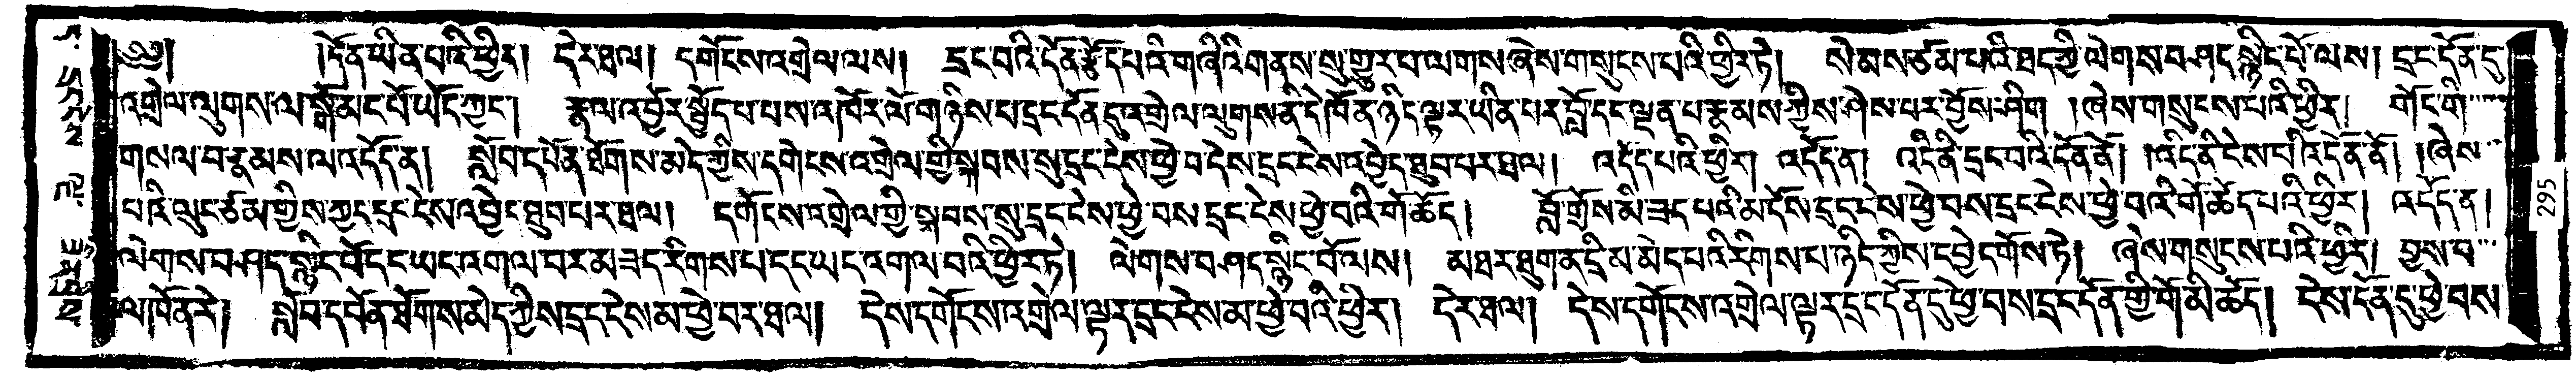༄༅། །དོན་ཡིན་པའི་ཕྱིར། དེར་ཐལ། དགོངས་འགྲེལ་ལས། དྲང་བའི་དོན་རྩོད་པའི་གཞིའི་གནས་སུ་གྱུར་བ་ལགས་ཞེས་གསུངས་པའི་ཕྱིར་ཏེ། སེམས་ཙམ་པའི་ཐད་ཀྱི་ལེགས་བཤད་སྙིང་པོ་ལས། དྲང་དོན་དུ་
འགྲེལ་ལུགས་ལ་སྒོ་མང་པོ་ཡོད་ཀྱང་། རྣལ་འབྱོར་སྤྱོད་པ་པས་འཁོར་ལོ་གཉིས་པ་དྲང་དོན་དུ་འགྲེལ་ལུགས་ནི་དེ་ཁོ་ན་ཉིད་ལྟར་ཡིན་པར་བློ་དང་ལྡན་པ་རྣམས་ཀྱིས་ཤེས་པར་བྱོས་ཤིག །ཞེས་གསུངས་པའི་ཕྱིར། གོང་གི་
གསལ་བ་རྣམས་ལ་འདོད་ན། སློབ་དཔོན་ཐོགས་མེད་ཀྱིས་དགོངས་འགྲེལ་གྱི་སྐབས་སུ་དྲང་དེས་ཕྱེ་བ་དེས་དྲང་ངེས་འབྱེད་ཐུབ་པར་ཐལ། འདོད་པའི་ཕྱིར། འདོད་ན། འདི་ནི་དྲང་བའི་དོན་ནོ། །འདི་ནི་ངེས་པའི་དོན་ནོ། །ཞེས་
པའི་ལུང་ཙམ་གྱིས་ཀྱང་དྲང་ངེས་འབྱེད་ཐུབ་པར་ཐལ། དགོངས་འགྲེལ་གྱི་སྐབས་སུ་དྲང་ངེས་ཕྱེ་བས་དྲང་ངེས་ཕྱེ་བའི་གོ་ཆོད། བློ་གྲོས་མི་ཟད་པའི་མདོས་དྲང་ངེས་ཕྱེ་བས་དྲང་ངེས་ཕྱེ་བའི་གོ་ཆོད་པའི་ཕྱིར། འདོད་ན།
ལེགས་བཤད་སྙིང་པོ་དང་ཡང་འགལ་བར་མ་ཟད་རིགས་པ་དང་ཡང་འགལ་བའི་ཕྱིར་ཏེ། ལེགས་བཤད་སྙིང་པོ་ལས། མཐར་ཐུག་ན་དྲི་མ་མེད་པའི་རིགས་པ་ཉིད་ཀྱིས་དབྱེ་དགོས་ཏེ། ཞེས་གསུངས་པའི་ཕྱིར། བྱས་པ་
ལ་ཁོ་ན་རེ། སློབ་དཔོན་ཐོགས་མེད་ཀྱིས་དྲང་ངེས་མ་ཕྱེ་བར་ཐལ། དེས་དགོངས་འགྲེལ་ལྟར་དྲང་ངེས་མ་ཕྱེ་བའི་ཕྱིར། དེར་ཐལ། དེས་དགོངས་འགྲེལ་ལྟར་དྲང་དོན་དུ་ཕྱེ་བས་དྲང་དོན་གྱི་གོ་མི་ཆོད། ངེས་དོན་དུ་ཕྱེ་བས་